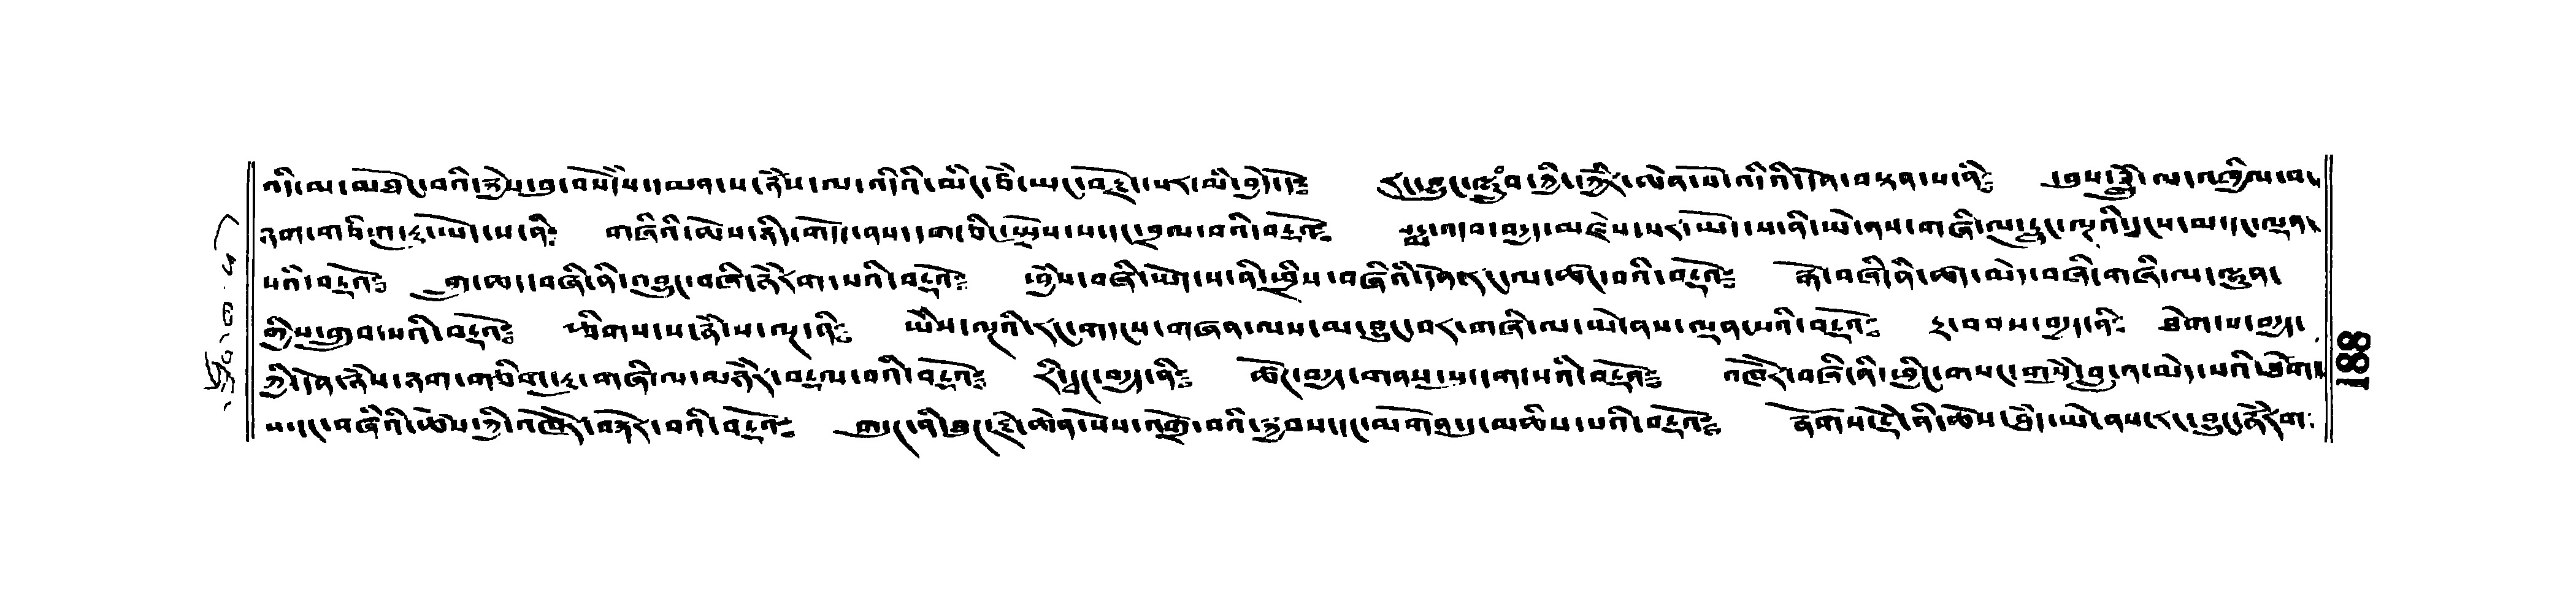འདི་མ་མཐོང་བའི་སྐྱེས་བུ་བསོད་ནམས་དམན་པ་རྣམས་ལ་འདིའི་མིང་ཙམ་ཡང་བརྗོད་པར་མི་བྱེད་དོ༔ རང་བྱུང་ལྷུན་གྲུབ་ཀྱི་དཀྱིལ་འཁོར་ཆེན་པོ་འདིའི་དོན་བསྟན་པ་ནི༔ དབུས་ཟླུམ་ལ་འཁྱིལ་བ་
ཉག་གཅིག་ཏུ་ཡོད་པ་ནི༔ གཞིའི་ཆོས་ཉིད་གདོད་ནས་དག་ཅིང་སྤྲོས་པ་དང་བྲལ་བའི་བརྡའོ༔ པདྨ་འདབ་བརྒྱད་མཛེས་པར་ཡོད་པ་ནི༔ ཡེ་ནས་གཞི་ལ་རླུང་ལྔའི་དྭངས་མ་དང་ལྡན་
པའི་བརྡའོ༔ གྲུ་ཆད་བཞི་ནི༔འབྱུང་བཞི་རྣམ་པར་དག་པའི་བརྡའོ༔ ཁྱམས་བཞི་ཡོད་པ་ནི༔ ཕྲིན་ལས་བཞིའི་དོན་རང་ལ་ཚང་བའི་བརྡའོ༔ སྒོ་བཞི་ནི༔ ཚད་མེད་བཞི་གཞི་ལ་ལྷུན་
གྱིས་གྲུབ་པའི་བརྡའོ༔ རྩིགས་པ་རྣམ་པ་ལྔ་ནི༔ ཡེ་ཤེས་ལྔའི་རང་གདངས་གཞན་ལས་མ་བྱུང་བར་གཞི་ལ་ཡེ་ནས་ལྡན་པའི་བརྡའོ༔ རྟ་བབས་བརྒྱད་ནི༔ ཐེག་པ་བརྒྱད་
ཀྱི་དོན་རྣམས་ཉག་གཅིག་ཏུ་གཞི་ལ་མཉམ་པར་བརྡལ་བའི་བརྡའོ༔ རི་དྭགས་བརྒྱད་ནི༔ ཚོགས་བརྒྱད་གནས་སུ་དག་པའི་བརྡའོ༔ འཁོར་ལོ་བཞི་ནི༔ ཕྱི་ནང་གསང་གསུམ་བླ་ན་མེད་པའི་ཐེག་
པ་དང་གཞིའི་ཆོས་ཀྱི་འཁོར་ལོ་བསྐོར་བའི་བརྡའོ༔གདུགས་ནི༔ ཐུགས་རྗེ་ཆེན་པོས་འགྲོ་བའི་སྐྱབས་དང་མགོན་དུ་མཆིས་པའི་བརྡའོ༔ སྣ་ཚོགས་རྡོ་རྗེ་ནི༔ ཆོས་ཐམས་ཅད་ཡེ་ནས་རང་བྱུང་རྣམ་པར་དག་